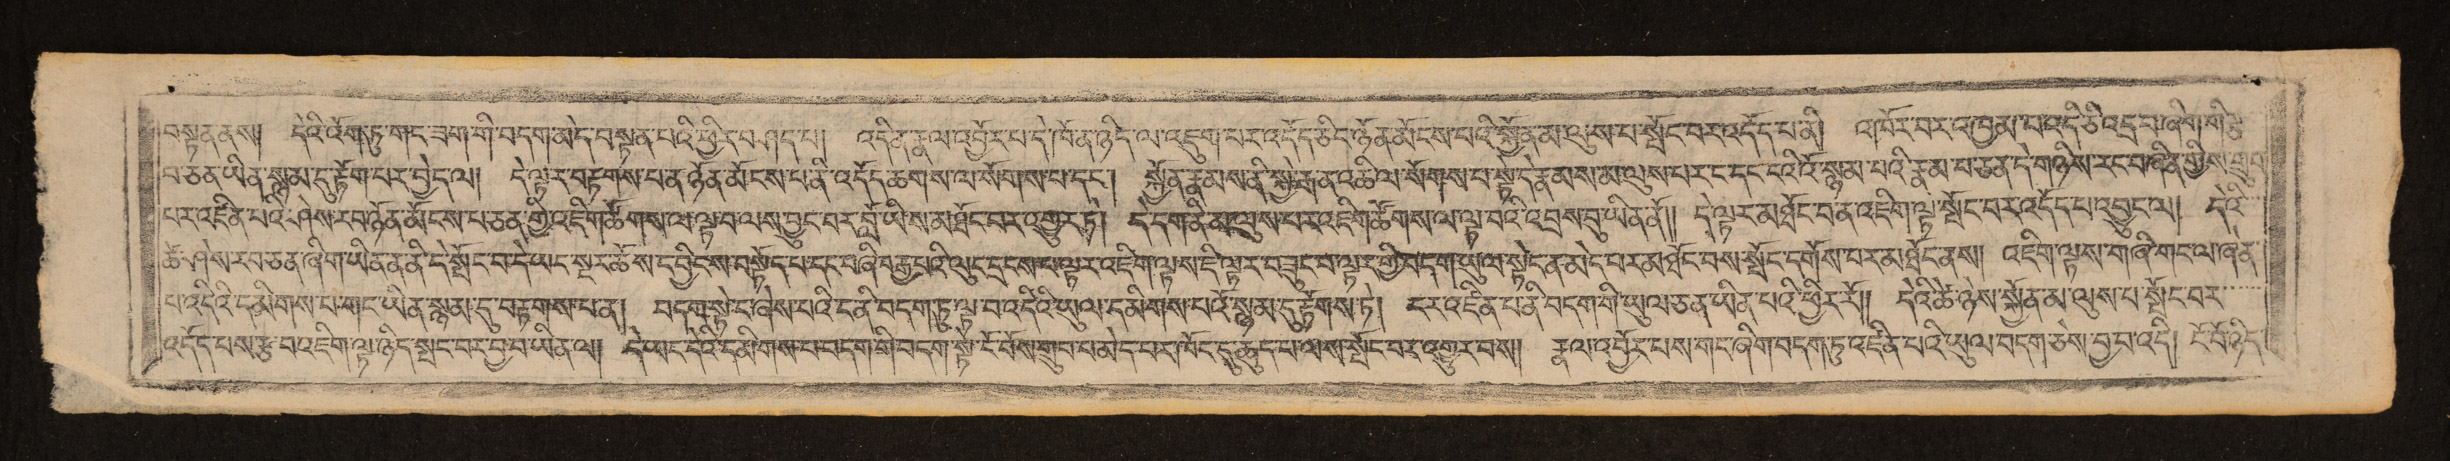བསྟན་ནས། དེའི་འོག་ཏུ་གང་ཟག་གི་བདག་མེད་བསྟན་པའི་ཕྱིར་བཤད་པ། འདི་ན་རྣལ་འབྱོར་པ་དེ་ཁོ་ན་ཉིད་ལ་འཇུག་པར་འདོད་ཅིང་ཉོན་མོངས་པའི་སྐྱོན་མ་ལུས་པ་སྤོང་བར་འདོད་པ་ནི། འཁོར་བར་འཁྱམ་པ་འདི་ཅི་འདྲ་བ་ཞིག་གི་རྩ་
བ་ཅན་ཡིན་སྙམ་དུ་རྟོག་པར་བྱེད་ལ། དེ་ལྟར་བརྟགས་པ་ན་ཉོན་མོངས་པ་ནི་འདོད་ཆགས་ལ་སོགས་པ་དང་། སྐྱོན་རྣམས་ནི་སྐྱེ་རྒ་ན་འཆི་ལ་སོགས་པ་སྟེ་དེ་རྣམས་མ་ལུས་པར་ང་དང་ངའི་འོ་སྙམ་པའི་རྣམ་པ་ཅན་དེ་གཉིས་རང་བཞིན་གྱིས་གྲུབ་
པར་འཛིན་པའི་ཤེས་རབ་ཉོན་མོངས་པ་ཅན་གྱི་འཇིག་ཚོགས་ལ་ལྟ་བ་ལས་བྱུང་བར་བློ་ཡིས་མཐོང་བར་འགྱུར་ཏེ། དེ་དག་ནི་མ་ལུས་པར་འཇིག་ཚོགས་ལ་ལྟ་བའི་འབྲས་བུ་ཡིན་ནོ།། དེ་ལྟར་མཐོང་བ་ན་འཇིག་ལྟ་སྤོང་བར་འདོད་པ་འབྱུང་ལ། དེའི་
ཚེ་ཤེས་རབ་ཅན་ཞིག་ཡིན་ན་ནི་དེ་སྤོང་བ་དེ་ཡང་སྔར་ཆོས་དབྱིངས་བསྟོད་པ་དང་བཞི་བརྒྱ་པའི་ལུང་དྲངས་པ་ལྟར་འཇིག་ལྟས་ཇི་ལྟར་བཟུང་བ་ལྟར་གྱི་བདག་ཡུལ་སྟེང་ན་མེད་པར་མཐོང་བས་སྤོང་དགོས་པར་མཐོང་ནས། འཇིག་ལྟས་གཞི་གང་ལ་ཞེན་
པ་འདིའི་དམིགས་པ་གང་ཡིན་སྙམ་དུ་བརྟགས་པ་ན། བདག་སྟེ་ང་ཞེས་པའི་ང་ནི་བདག་ཏུ་ལྟ་བ་འདིའི་ཡུལ་དམིགས་པའོ་སྙམ་དུ་རྟོགས་ཏེ། ངར་འཛིན་པ་ནི་བདག་གི་ཡུལ་ཅན་ཡིན་པའི་ཕྱིར་རོ།། དེའི་ཚེ་ཉེས་སྐྱོན་མ་ལུས་པ་སྤོང་བར་
འདོད་པས་རྩ་བ་འཇིག་ལྟ་ཉིད་སྤང་བར་བྱ་བ་ཡིན་ལ། དེ་ཡང་དེའི་དམིགས་པ་བདག་གི་བདག་སྟེ་ངོ་བོས་གྲུབ་པ་མེད་པར་ཁོང་དུ་ཆུད་པ་ལས་སྤོང་བར་འགྱུར་བས། རྣལ་འབྱོར་པས་གང་ཞིག་བདག་ཏུ་འཛིན་པའི་ཡུལ་བདག་ཅེས་བྱ་བ་འདི། ངོ་བོ་ཉིད་